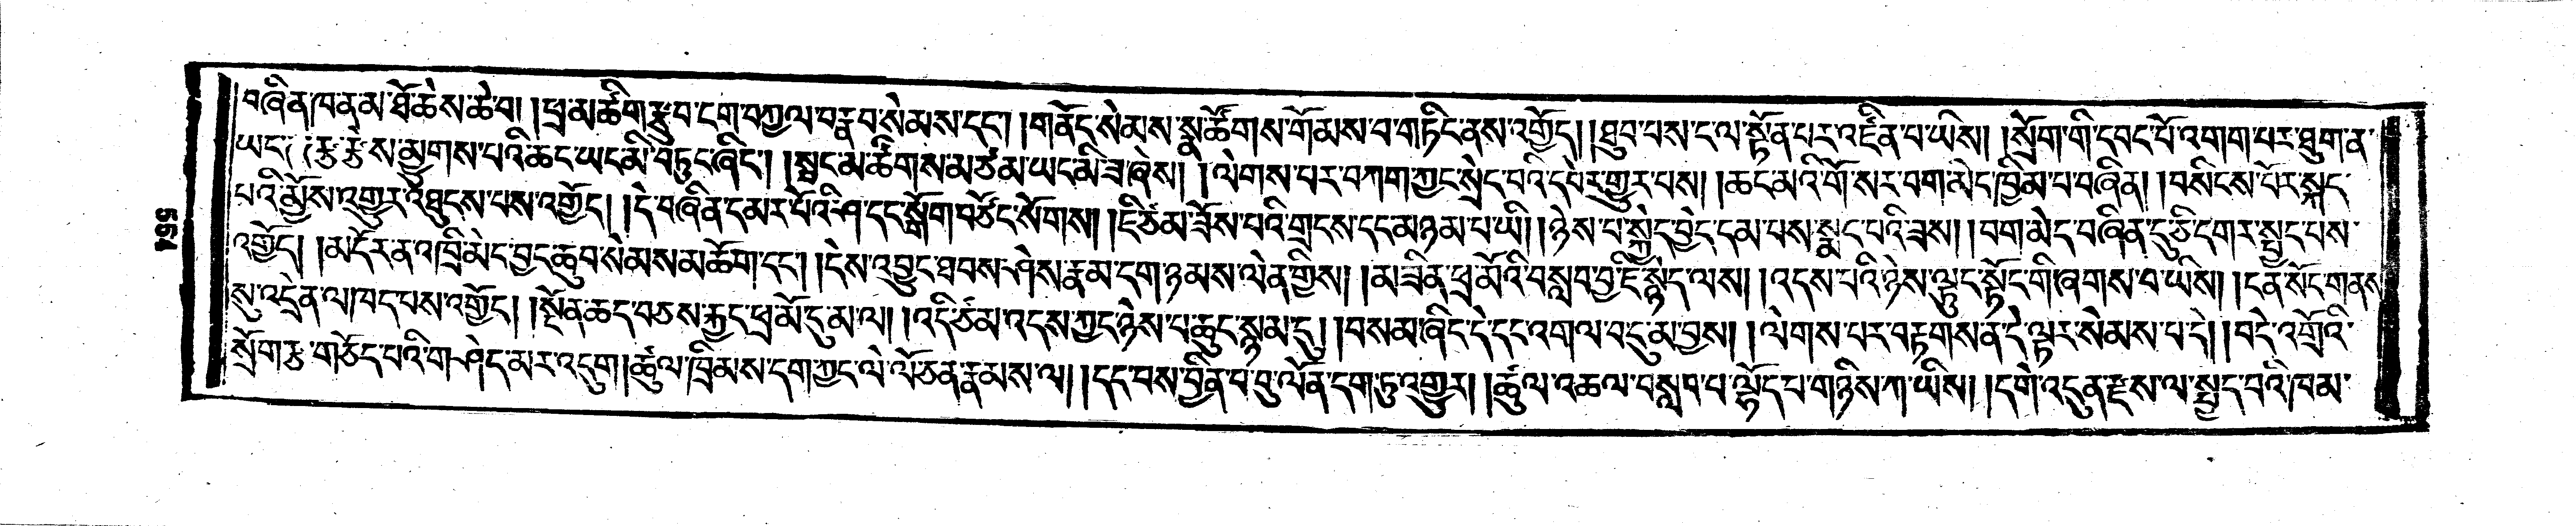བཞིན་ཁ་ན་མ་ཐོ་ཆེས་ཆེ་བ། །ཕྲ་མ་ཚིག་རྩུབ་ངག་བཀྱལ་བརྣབ་སེམས་དང་། །གནོད་སེམས་སྣ་ཚོགས་གོམས་པ་གཏིང་ནས་འགྱོད། །ཐུབ་པས་ང་ལ་སྟོན་པར་འཛིན་པ་ཡིས། །སྲོག་གི་དབང་པོ་འགག་པར་ཐུག་ན་
ཡང༑ ༑རྩ་རྩེས་མྱུགས་པའི་ཆང་ཡང་མི་བཏུང་ཞིང་། །སྦང་མ་ཚིགས་མ་ཙམ་ཡང་མི་ཟ་ཞེས། །ལེགས་པར་བཀག་ཀྱང་སྲེད་པའི་དབང་གྱུར་པས། །ཆང་མའི་གོ་སར་བག་མེད་ཁྱིམ་པ་བཞིན། །བསིངས་པོར་སྐད་
པའི་མྱོས་འགྱུར་འཐུངས་པས་འགྱོད། །དེ་བཞིན་དམར་པོའི་ཤ་དང་སྒོག་བཙོང་སོགས། །ཇི་ཙམ་ཟོས་པའི་གྲངས་དང་མཉམ་པ་ཡི། །ཉེས་པ་སྐྱེད་བྱེད་དམ་པས་སྨད་པའི་ཟས། །བག་མེད་བཞིན་དུ་ཅི་དགར་སྤྱད་པས་
འགྱོད། །མདོར་ན་འཁྲི་མེད་བྱང་ཆུབ་སེམས་མཆོག་དང་། །ངེས་འབྱུང་ཐབས་ཤེས་རྣམ་དག་ཉམས་ལེན་གྱིས། །མ་ཟིན་ཕྲ་མོའི་བསླབ་བྱ་ཇི་སྙེད་ལས། །འདས་པའི་ཉེས་ལྟུང་སྟོང་གི་ཞགས་པ་ཡིས། །ངན་སོང་གནས་
སུ་འདྲེན་ལ་ཁད་པས་འགྱོད། །སྔོན་ཆད་བཅས་རྐྱང་ཕྲ་མོ་དུ་མ་ལ། །འདི་ཙམ་འདས་ཀྱང་ཉེས་པ་ཆུང་སྙམ་དུ། །བསམ་ཞིང་དེ་དང་འགལ་བ་དུ་མ་བྱས། །ལེགས་པར་བརྟགས་ན་དེ་ལྟར་སེམས་པ་དེ། །བདེ་འགྲོའི་
སྲོག་རྩ་གཅོད་པའི་གཤེད་མར་འདུག །ཚུལ་ཁྲིམས་དག་ཀྱང་ལེ་ལོ་ཅན་རྣམས་ལ། །དད་པས་བྱིན་པ་བུ་ལོན་དག་ཏུ་འགྱུར། །ཚུལ་འཆལ་བསླབ་པ་ལྷོད་པ་གཉིས་ཀ་ཡིས། །དགེ་འདུན་རྫས་ལ་སྤྱད་པའི་ཁམ་